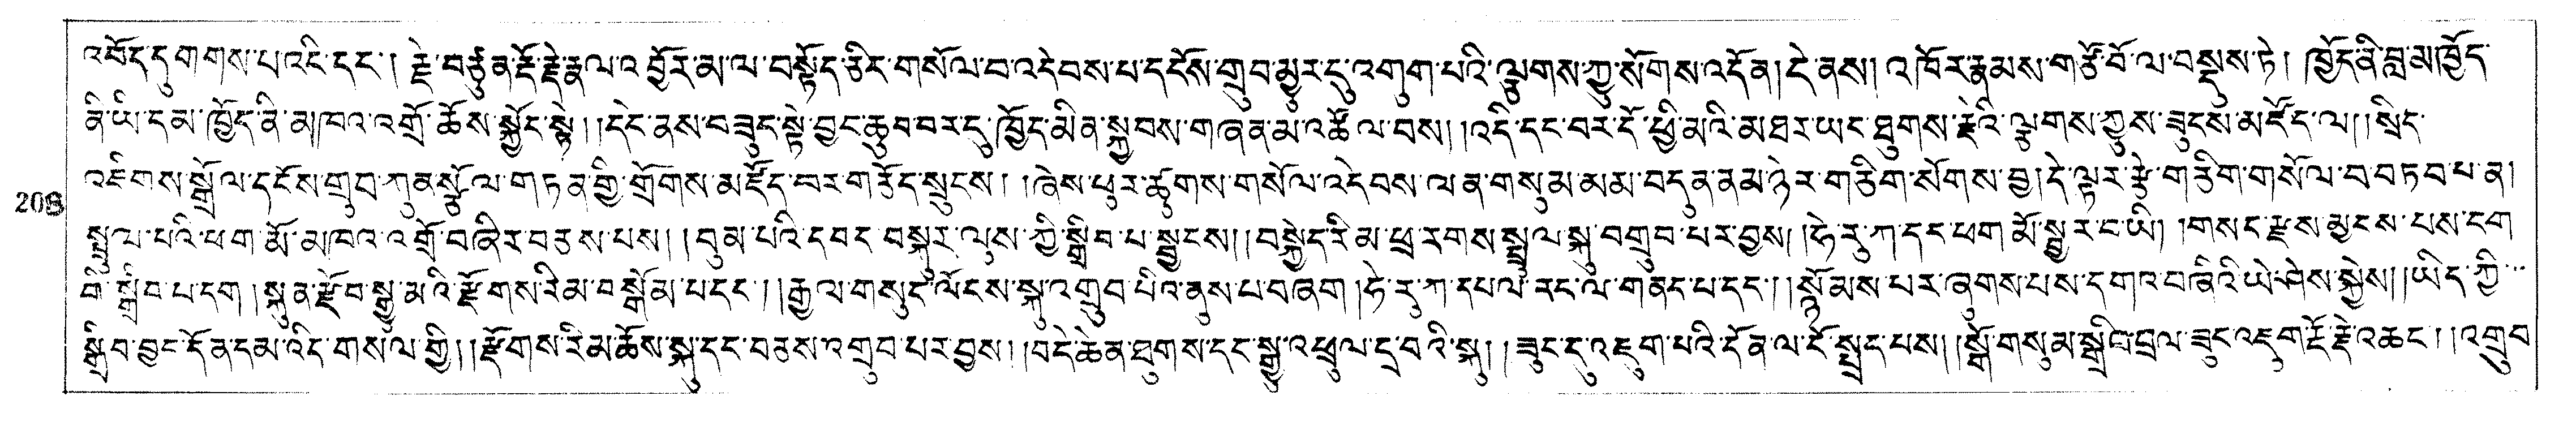འབོད་དུ་གྲགས་པ་འདི་དང་། རྗེ་བཙུན་རྡོ་རྗེ་རྣལ་འབྱོར་མ་ལ་བསྟོད་ཅིང་གསོལ་བ་འདེབས་པ་དངོས་གྲུབ་མྱུར་དུ་འགུག་པའི་ལྕགས་ཀྱུ་སོགས་འདོན། །དེ་ནས། འཁོར་རྣམས་གཙོ་བོ་ལ་བསྡུས་ཏེ། ཁྱོད་ནི་བླ་མ་ཁྱོད་
ནི་ཡི་དམ་ཁྱོད་ནི་མཁའ་འགྲོ་ཆོས་སྐྱོང་སྟེ། །དེང་ནས་བཟུང་སྟེ་བྱང་ཆུབ་བར་དུ་ཁྱོད་མིན་སྐྱབས་གཞན་མི་འཚོལ་བས། །འདི་དང་བར་དོ་ཕྱི་མའི་མཐར་ཡང་ཐུགས་རྗེའི་ལྕགས་ཀྱུས་ཟུངས་མཛོད་ལ། །སྲིད་ཞིའི་
འཇིགས་སྒྲོལ་དངོས་གྲུབ་ཀུན་སྩོལ་གཏན་གྱི་གྲོགས་མཛོད་བར་གཅོད་སྲུངས། །ཞེས་ཕུར་ཚུགས་གསོལ་འདེབས་ལན་གསུམ་མམ་བདུན་ནམ་ཉེར་གཅིག་སོགས་བྱ། དེ་ལྟར་རྩེ་གཅིག་གསོལ་བ་བཏབ་པ་ན། །
སྤྲུལ་བའི་ཕག་མོ་མཁའ་འགྲོ་བཞིར་བཅས་པས། །བུམ་པའི་དབང་བསྐུར་ལུས་ཀྱི་སྒྲིབ་པ་སྦྱངས། །བསྐྱེད་རིམ་ཕྲ་རགས་སྤྲུལ་སྐུ་འགྲུབ་པར་བྱས། །ཧེ་རུ་ཀ་དང་ཕག་མོ་སྦྱར་བ་ཡི། །གསང་རྫས་མྱངས་པས་ངག་
གི་སྒྲིབ་པ་དག །སྐུན་རྫོབ་སྒྱུ་མའི་རྫོགས་རིམ་བསྒོམ་པ་དང་། །རྒྱལ་གསུང་ལོངས་སྐུ་འགྲུབ་པའི་ནུས་པ་བཞག །ཧེ་རུ་ཀ་དཔལ་རང་ལ་གནང་བ་དང་། །སྙོམས་པར་ཞུགས་པས་དགའ་བཞིའི་ཡེ་ཤེས་སྐྱེས། །ཡིད་ཀྱི་
སྒྲིབ་བྱང་དོན་དམ་འོད་གསལ་གྱི། །རྫོགས་རིམ་ཆོས་སྐུ་དང་བཅས་འགྲུབ་པར་བྱས། །བདེ་ཆེན་ཐུགས་དང་སྒྱུ་འཕྲུལ་དྲ་བའི་སྐུ། །ཟུང་དུ་འཇུག་པའི་དོན་ལ་ངོ་སྤྲད་པས། །སྒོ་གསུམ་སྒྲིབ་བྲལ་ཟུང་འཇུག་རྡོ་རྗེ་འཆར། །འགྲུབ་